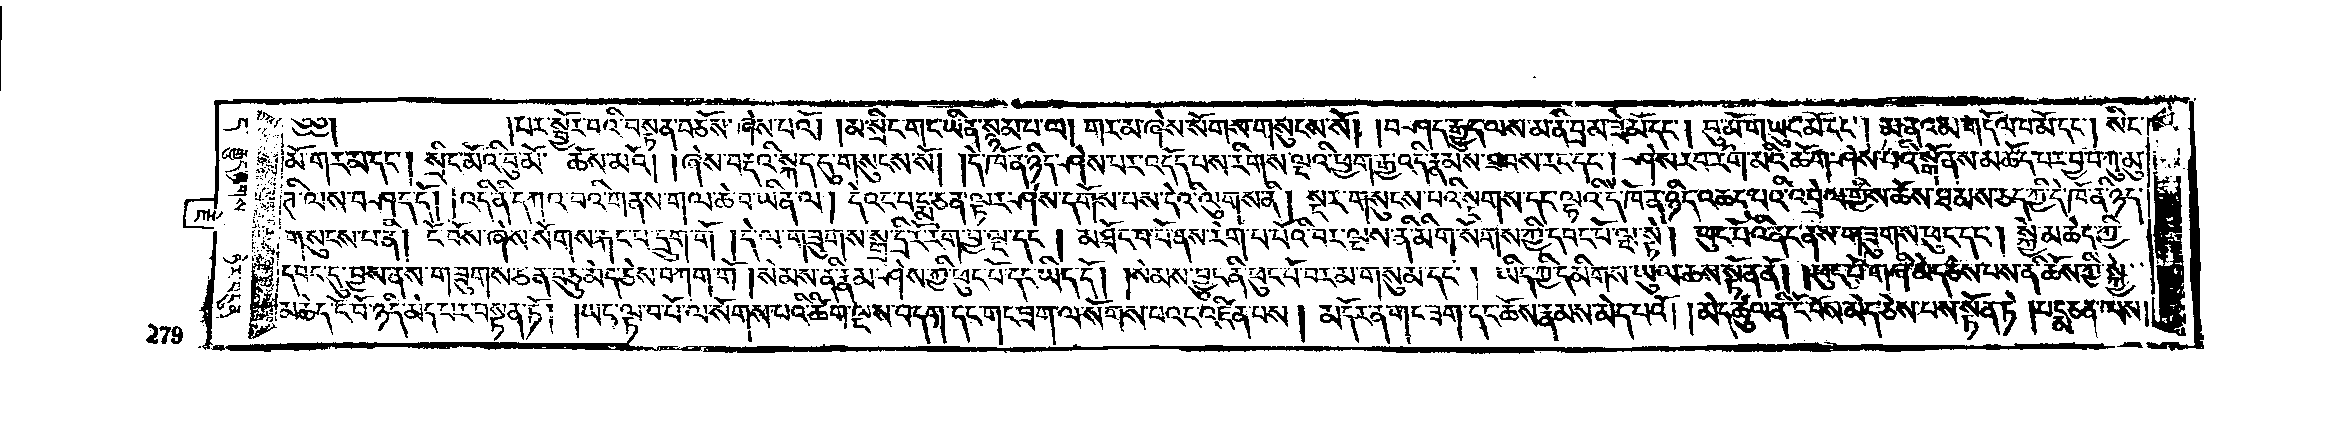༄༅། །པར་སྦྱོར་བའི་བསྟན་བཅོས་ཞེས་པའོ། །མ་སྲིང་གང་ཡིན་སྙམ་པ་ལ། གར་མ་ཞེས་སོགས་གསུངས་སོ། །བཤད་རྒྱུད་ལས་མ་ནི་བྲམ་ཟེ་མོ་དང་། བུ་མོ་གཡུང་མོ་དང་། མནའ་མ་གདོལ་པ་མོ་དང་། སིང་
མོ་གར་མ་དང་། སྲིང་མོའི་བུ་མོ་ཆོས་མའོ། །ཞེས་བརྡའི་སྐད་དུ་གསུངས་སོ། །དེ་ཁོ་ན་ཉིད་ཤེས་པར་འདོད་པས་རིགས་ལྔའི་ཕྱག་རྒྱ་འདི་རྣམས་ཐབས་རང་དང་། ཤེས་རབ་རིག་མའི་ཆོག་ཤེས་པའི་སྒོ་ནས་མཆོད་པར་བྱ་བ་ཀུ་མུ་
ཊི་ལས་བཤད་དོ། །འདི་ནི་དཀའ་བའི་གནས་གལ་ཆེ་བ་ཡིན་ལ། དེའང་པདམ་ཅན་ལྟར་ཤེས་དགོས་པས་དེའི་ལུགས་ནི། སྔར་གསུངས་པའི་སྔགས་དང་ལྷའི་དེ་ཁོ་ན་ཉིད་འཆད་པའི་འབྲེལ་གྱིས་ཆོས་ཐམས་ཅད་ཀྱི་དེ་ཁོ་ན་ཉིད་
གསུངས་པ་ནི། ངོ་བོས་ཞེས་སོགས་རྐང་པ་དྲུག་གོ །དེ་ལ་གཟུགས་སྒྲ་དྲི་རོ་རེག་བྱ་ལྔ་དང་། མཐོང་བ་པོ་ནས་རེག་པ་པོའི་བར་ལྔས་ནི་མིག་སོགས་ཀྱི་དབང་པོ་ལྔ་སྟེ། ཕུང་པོའི་ནང་ནས་གཟུགས་ཕུང་དང་། སྐྱེ་མཆེད་ཀྱི་
དབང་དུ་བྱས་ནས་གཟུགས་ཅན་བཅུ་མེད་ཅེས་བཀག་གོ །སེམས་ནི་རྣམ་ཤེས་ཀྱི་ཕུང་པོ་དང་ཡིད་དོ། །སེམས་བྱུང་ནི་ཕུང་པོ་བར་མ་གསུམ་དང་། ཡིད་ཀྱི་དམིགས་ཡུལ་ཆོས་སྟོན་ནོ། །ཕུང་པོ་གཞི་མེད་ཅེས་པས་ནི་ཆོས་ཀྱི་སྐྱེ་
མཆེད་ངོ་བོ་ཉིད་མེད་པར་བསྟན་ཏོ། །ཡང་ལྟ་བ་པོ་ལ་སོགས་པའི་ཚིག་ལྔས་བདག་དང་གང་ཟག་ལ་སོགས་པའང་འཛིན་པས། མདོར་ན་གང་ཟག་དང་ཆོས་རྣམས་མེད་པའོ། །མེད་ཚུལ་ནི་ངོ་བོས་མེད་ཅེས་པས་སྟོན་ཏེ། པདམ་ཅན་ལས།